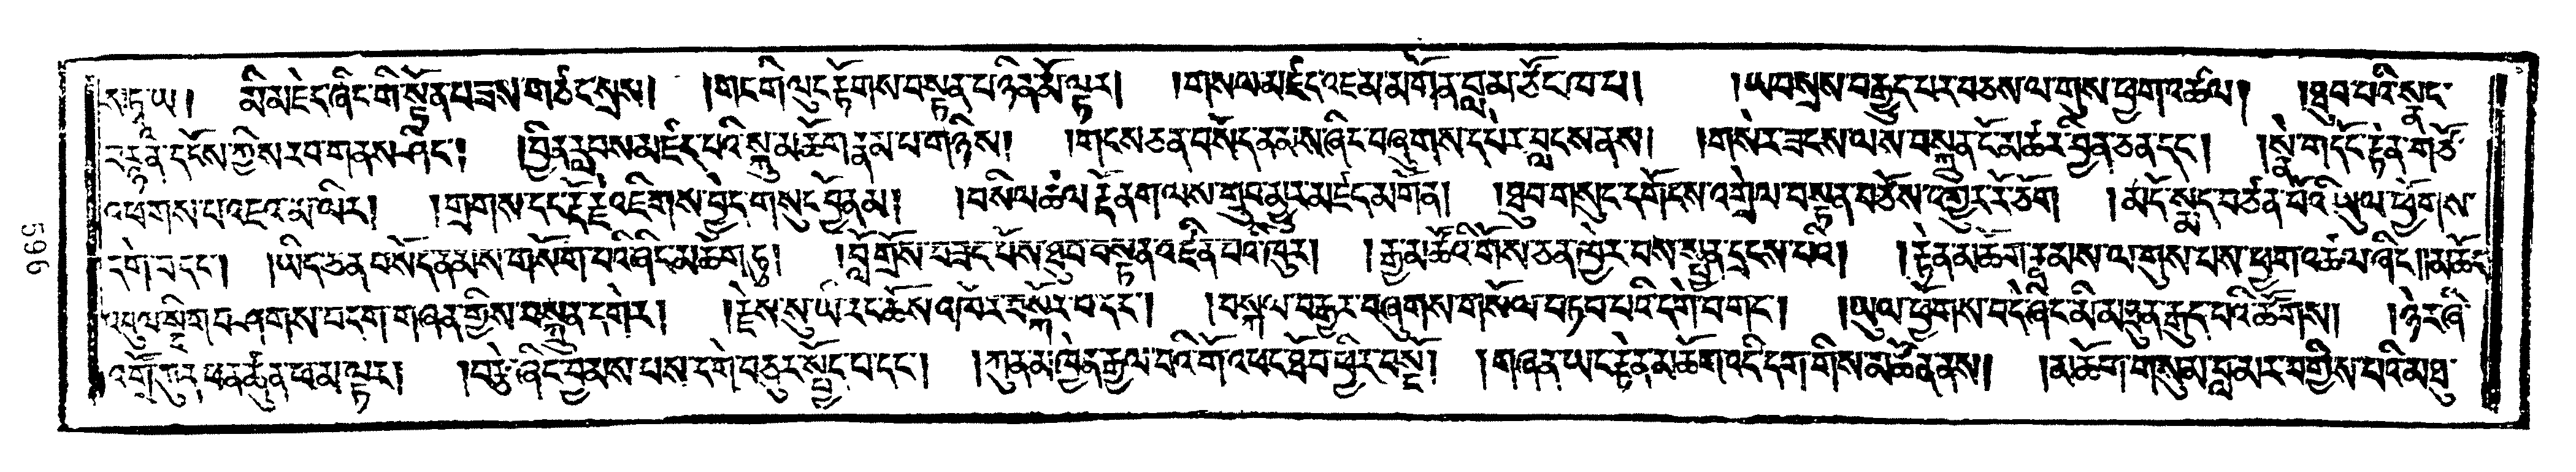སཏྭཱ་ཡ། མི་མཇེད་ཞིང་གི་སྟོན་བཟས་གཙང་སྲས། །གང་གི་ལུང་རྟོགས་བསྟན་པ་ཉིན་མོ་ལར། །གསལ་མཛད་འཇམ་མགོན་བླ་མ་ཙོང་ཁ་པ། །ཡབ་སྲས་བརྒྱུད་པར་བཅས་ལ་གུས་ཕྱག་འཚལ། །ཐུབ་པའི་སྣང་
བརྙན་དངོས་ཀྱིས་རབ་གནས་ཤིང་། །བྱིན་རླབས་མཛད་པའི་སྐུ་མཆོག་རྣམ་པ་གཉིས། །གངས་ཅན་བསོད་ནམས་ཞིང་བཞུགས་དཔེར་བླངས་ནས། །གསེར་ཟངས་ལས་བསྐྲུན་ངོ་མཚར་བྱིན་ཅན་དང་། །སྣེ་གདོང་རྟེན་གཙོ་
འཕགས་པ་འཇའ་མ་ལིར། །གྲགས་དང་རྡོ་རྗེ་འཇིགས་བྱེད་གསུང་བྱོན་མ། །བསིལ་ཚལ་རྡོ་ནག་ལས་གྲུབ་མྱུར་མཛད་མགོན། །ཐུབ་གསུང་དགོངས་འགྲེལ་བསྟན་བཅོས་འགྱུར་རོ་ཅོག །མདོ་སྨད་བཙན་པོའི་ཡུལ་ཕྱོགས་
དགེ་བ་དང་། །ཡིད་ཅན་བསོད་ནམས་གསོག་པའི་ཞིང་མཆོག་ཏུ། །བློ་གྲོས་བཟང་པོས་ཐུབ་བསྟན་འཛིན་པའི་ཁུར། །རྒྱ་མཚོའི་གོས་ཅན་ཁྱེར་བས་སྤྱན་དྲངས་པའི། །རྟེན་མཆོག་རྣམས་ལ་གུས་པས་ཕྱག་འཚལ་ཞིང་། །མཆོད་
འབུལ་སྡིག་བཤགས་བདག་གཞན་གྱིས་བསྐྲུན་དགེར། །རྗེས་སུ་ཡི་རང་ཆོས་འཁོར་བསྐོར་བ་དང་། །བསྐལ་བརྒྱར་བཞུགས་གསོལ་བཏབ་པའི་དགེ་བ་གང་། །ཡུལ་ཕྱོགས་བདེ་ཞིང་མི་མཐུན་རྒུད་པའི་ཚོགས། །ཉེར་ཞི་
འགྲོ་ཀུན་ཕན་ཚུན་ཕ་མ་ལྟར། །བརྩེ་ཞིང་བྱམས་པས་དགེ་བཅུར་སྤྱོད་པ་དང་། །ཀུན་མཁྱེན་རྒྱལ་བའི་གོ་འཕང་ཐོབ་ཕྱིར་བསྔོ། །གཞན་ཡང་རྟེན་མཆོག་འདི་དག་གིས་མཚོན་ནས། །མཆོག་གསུམ་བླ་མར་བགྱིས་པའི་མཐུ་